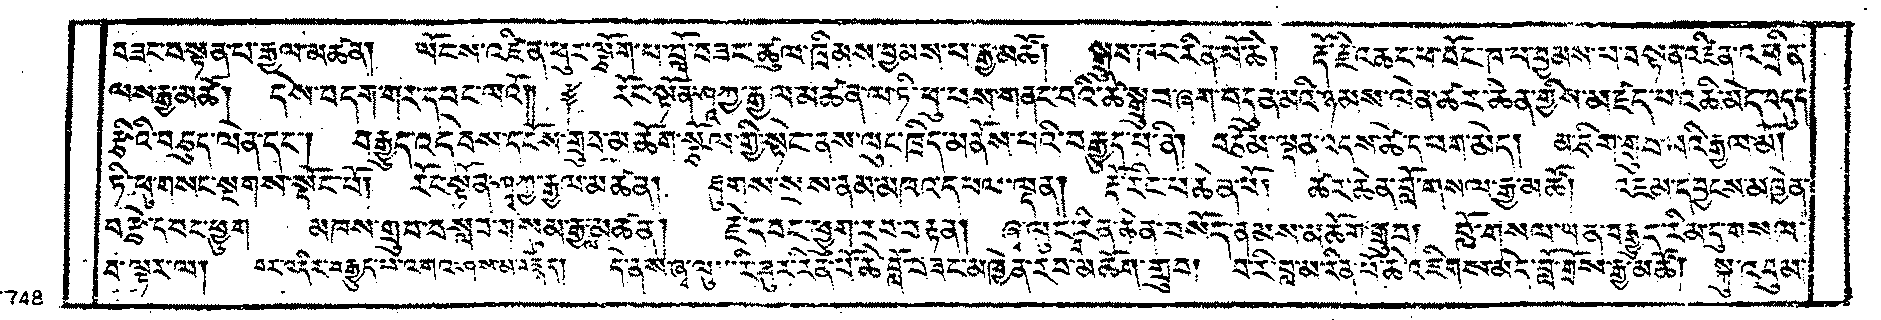བཟང་བསྟན་པ་རྒྱལ་མཚན། ཡོངས་འཛིན་ཕུར་ལྕོག་པ་བློ་བཟང་ཚུལ་ཁྲིམས་བྱམས་པ་རྒྱ་མཚོ། སྒྲུབ་ཁང་རིན་པོ་ཆེ། རྡོ་རྗེ་འཆང་ཕ་བོང་ཁ་པ་བྱམས་པ་བསྟན་འཛིན་འཕྲིན་
ལས་རྒྱ་མཚོ། དེས་བདག་གར་དབང་ལའོ།། ༈ རོང་སྟོན་ཤཱཀྱ་རྒྱལ་མཚན་ལ་ཏི་ཕུ་པས་གནང་བའི་ཚེ་སྒྲུབ་ཞག་བདུན་མའི་ཉམས་ལེན་ཚར་ཆེན་གྱིས་མཛད་པ་འཆི་མེད་བདུད་
རྩིའི་བཅུད་ལེན་དང་། བརྒྱུད་འདེབས་དངོས་གྲུབ་མཆོག་སྩོལ་གྱི་སྟེང་ནས་ལུང་ཁྲིད་མནོས་པའི་བརྒྱུད་པ་ནི། བཅོམ་ལྡན་འདས་ཚེ་དཔག་མེད། མ་ཅིག་གྲུབ་པའི་རྒྱལ་མོ།
ཏི་ཕུ་གསང་སྔགས་སྡོང་པོ། རོང་སྟོན་ཤཱཀྱ་རྒྱལ་མཚན། ཐུགས་སྲས་ནམ་མཁའ་དཔལ་ལྡན། རྡོ་རིང་པ་ཆེན་པོ། ཚར་ཆེན་བློ་གསལ་རྒྱ་མཚོ། འཇམ་དབྱངས་མཁྱེན་
བརྩེ་དབང་ཕྱུག་མཁས་གྲུབ་བསླབ་གསུམ་རྒྱལ་མཚན། རྗེ་དབང་ཕྱུག་རབ་བརྟན། ཞྭ་ལུང་བ་རིན་ཆེན་བསོད་ནམས་མཆོག་གྲུབ། བློ་གསལ་ཡན་བརྒྱུད་རིམ་དུ་གསལ་
བ་ལྟར་ལ། བར་འདིར་བརྒྱུད་པ་འགའ་ཤས་མ་བརྙོད།  དེ་ནས་ཞྭ་ལུ་རི་ཟུར་རིན་པོ་ཆེ་བློ་བཟང་མཁྱེན་རབ་མཆོག་གྲུབ། པ་རི་བླ་མ་རིན་པོ་ཆེ་འཇིགས་མེད་བློ་གྲོས་རྒྱ་མཚོ། སྐུ་འབུམ་